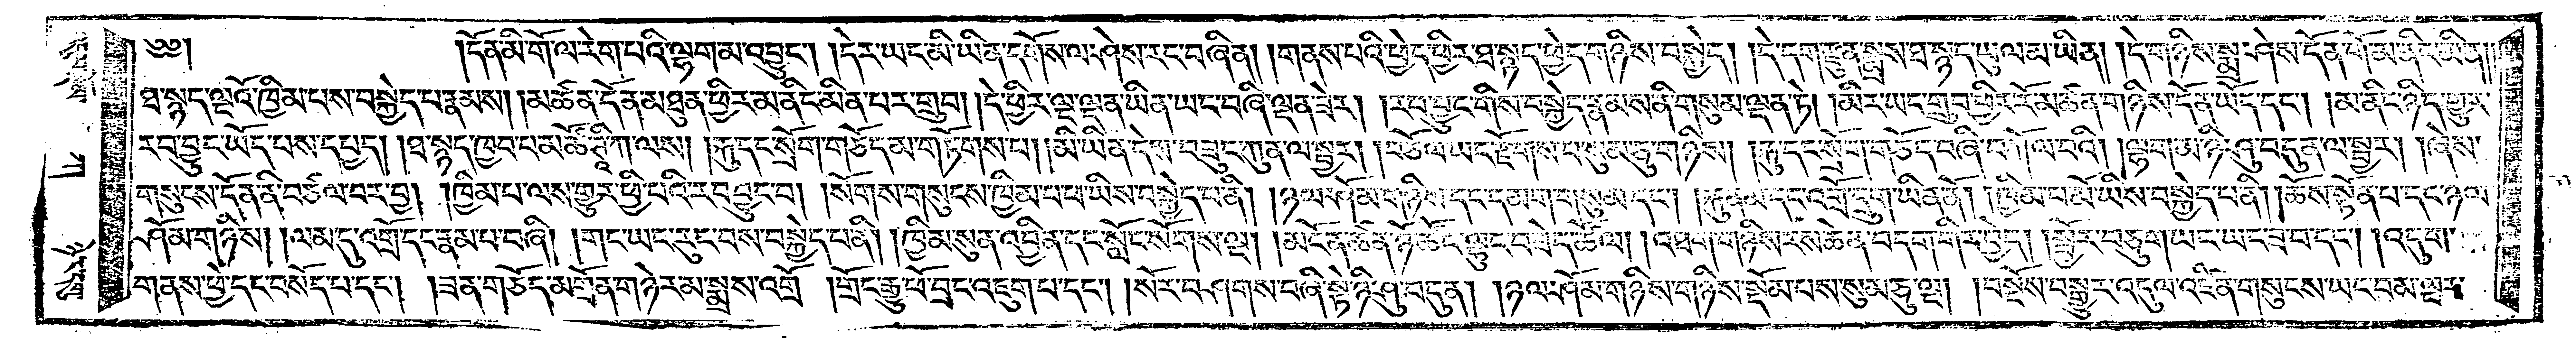༄༅། །དོན་མི་གོ་ལ་རེག་པའི་ལྷག་མ་འབྱུང་། །དེར་ཡང་མི་ཡིན་དགོས་ལ་ཤེས་རང་བཞིན། །གནས་པའི་ཕྱེད་ཕྱིར་ཐ་སྙད་ཕྱེད་གཉིས་བསྐྱེད། །དེ་དག་རྫུན་སྨྲས་ཐ་སྙད་ཡུལ་མ་ཡིན། །དེ་གཉིས་སྨྲ་ཤེས་དོན་གོ་མ་ནིང་མིན། །
ཐ་སྙད་ལྔའོ་ཁྱིམ་པས་བསྐྱེད་པ་རྣམས། །མཚན་དོན་མཐུན་ཕྱིར་མ་ནིང་མིན་པར་གྲུབ། །དེ་ཕྱིར་ལྔ་ལྡན་ཡིན་ཡང་བཞི་ལྡན་ཟེར། །རབ་བྱུང་གིས་བསྐྱེད་རྣམས་ནི་གསུམ་ལྡན་ཏེ། །མིར་ཡང་གྲུབ་ཕྱིར་རོ་མཚན་གཉིས་དོན་ཡོད་དང་། །མ་ནིང་ཉིད་གྱུར་
རབ་བྱུང་ཡོད་པས་དཔྱད། །ཐ་སྙད་ཁྱབ་པ་མཚོ་ཊཱིཀ་ལས། །རྐུ་དང་སྲོག་གཅོད་མ་གཏོགས་པ། །མི་ཡིན་དེས་བཟུང་ཀུན་ལ་སྦྱར། །བཅོལ་ཡང་རྫོགས་པ་སུམ་ཅུ་གཉིས། །རྐུ་དང་སྲོག་གཅོད་བཞི་བཀོལ་བའི། །ལྷག་མ་ཉི་ཤུ་བདུན་ལ་སྦྱར། །ཞེས་
གསུངས་དོན་ནི་བཙལ་བར་བྱ། །ཁྱིམ་པ་ལས་གྱུར་ཕྱི་པའི་རབ་བྱུང་བ། །སོགས་གསུངས་ཁྱིམ་པ་ཕ་ཡིས་བསྐྱེད་པ་ནི། །ཉལ་ཤོམ་གཉིས་དང་དམག་གསུམ་དང་། །རྐུན་མ་དང་འགྲོ་དྲུག་ཡིན་ནོ། །ཁྱིམ་པ་མོ་ཡིས་བསྐྱེད་པ་ནི། །ཆོས་སྟོན་པ་དང་ཉལ་
ཤོམ་གཉིས། །ལམ་དུ་འགྲོ་དང་རྣམ་པ་བཞི། །གང་ཡང་རུང་བས་བསྐྱེད་པ་ནི། །ཁྱིམ་སུན་འབྱིན་དང་སློང་སོགས་ལྔ། །མངོན་ཚན་ཉོ་ཚོང་ལྷུང་བཟེད་ཚོལ། །འཐག་གཉིས་རས་ཆེན་བདག་གིར་བྱེད། །སྦྱོར་བཅུག་ཡང་ཟ་བ་དང་། །འདུག་
གནས་ཕྱེ་དང་བསོད་པ་དང་། །ཟན་གཅོད་མགྲོན་གཉེར་མ་སྨྲས་འགྲོ་།གྲོང་རྒྱུ་ཕོ་བྲང་འཇུག་པ་དང་། །སོར་བཤགས་བཞི་སྟེ་ཉི་ཤུ་བདུན། །ཉལ་ཤོམ་གཉིས་གཉིས་སྡོམ་པས་སུམ་ཅུ་ལྔ། །བསྔོས་བསྒྱུར་འདུལ་འཛིན་གསུངས་ཡང་བམ་ལྔར་